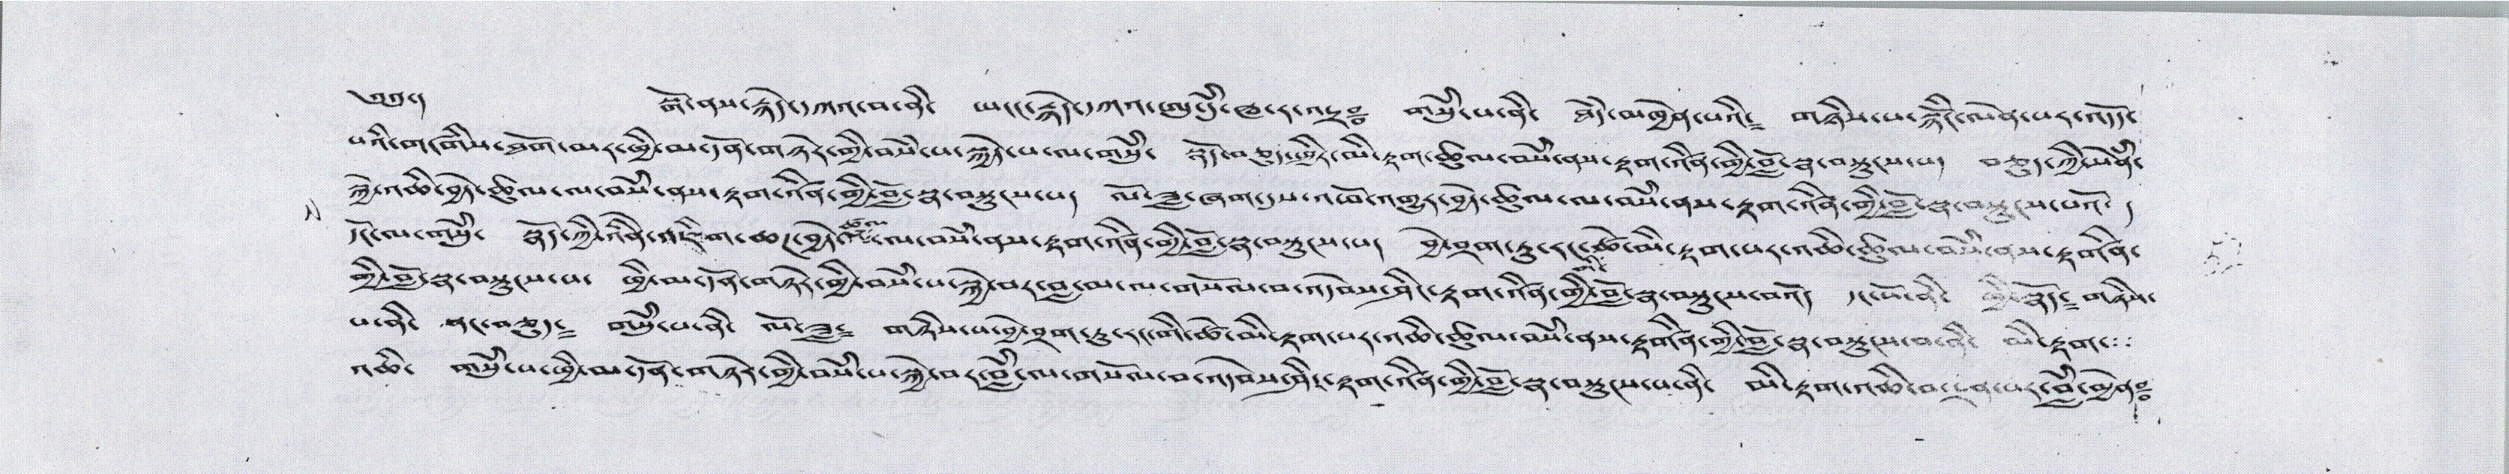སྒོ་ནས་རྙེད་དཀའ་བ་ནི། ཡང་ཡང་རྙེད་དཀའ་ཨུ་དུམ་ཝ་ར་འདྲཿ གསུམ་པ་ནི། ཐམས་ཅད་མཁྱེན་པའི། གཉིས་པ་སྙིང་པོ་ལེན་པར་འདོད་
པའི་གང་ཟག་གིས་ཐོག་མར་ཕྱི་མ་དོན་གཉེར་གྱི་བསམ་པ་བསྐྱེད་པ་ལ་གསུམ། སྣོད་བཅུད་སྤྱིར་མི་རྟག་ཚུལ་བསམ་ནས་རྟག་འཛིན་གྱི་བློ་སྣ་བསྟུངས་པ། བཅུད་ཀྱི་སེམས་ཅན་
སྐྱེ་འཆི་བྱེད་ཚུལ་ལ་བསམ་ནས་རྟག་འཛིན་གྱི་བློ་སྣ་བསྟུངས་པ། ལོ་ཟླ་ཞག་དུས་འཕོ་འགྱུར་བྱེད་ཚུལ་ལ་བསམ་ནས་རྟག་འཛིན་གྱི་བློ་སྣ་བསྟུངས་པའོ། 
དང་པོ་ལ་གསུམ། སྣོད་ཀྱི་འཇིག་རྟེན་ཆགས་འཇིག་བྱེད་ཚུལ་ལ་བསམ་ནས་རྟག་འཛིན་གྱི་བློ་སྣ་བསྟུངས་པ། བྱེ་བྲག་ཏུ་རང་གི་ཚེ་མི་རྟག་པ་འཆི་ཚུལ་བསམ་ནས་རྟག་འཛིན་
གྱི་བློ་སྣ་བསྟུངས་པ། ཕྱི་མ་དོན་གཉེར་གྱི་བསམ་པ་སྐྱེ་བར་བླ་མ་ལ་གསོལ་བ་འདེབས་ཤིང་རྟག་འཛིན་གྱི་བློ་སྣ་བསྟུངས་པའོ། དང་པོ་ནི། ཕྱི་སྣོད༑ གཉིས་
པ་ནི། ནང་བཅུད༑ གསུམ་པ་ནི། ལོ་ཟླ༑ གཉིས་པ་བྱེ་བྲག་ཏུ་རུང་གི་ཚེ་མི་རྟག་པ་འཆི་ཚུལ་བསམ་ནས་རྟག་འཛིན་གྱི་བློ་སྣ་བསྟུངས་པ་ནི། མི་རྟག་
འཆི༑ གསུམ་པ་ཕྱི་མ་དོན་གཉེར་གྱི་བསམ་པ་སྐྱེ་བར་བླ་མ་ལ་གསོལ་བ་འདེབས་ཤིང་རྟག་འཛིན་གྱི་བློ་སྣ་བསྟུངས་པ་ནི། མི་རྟག་འཆི་བ་དྲན་པར་བླ་མ་མཁྱེནཿ